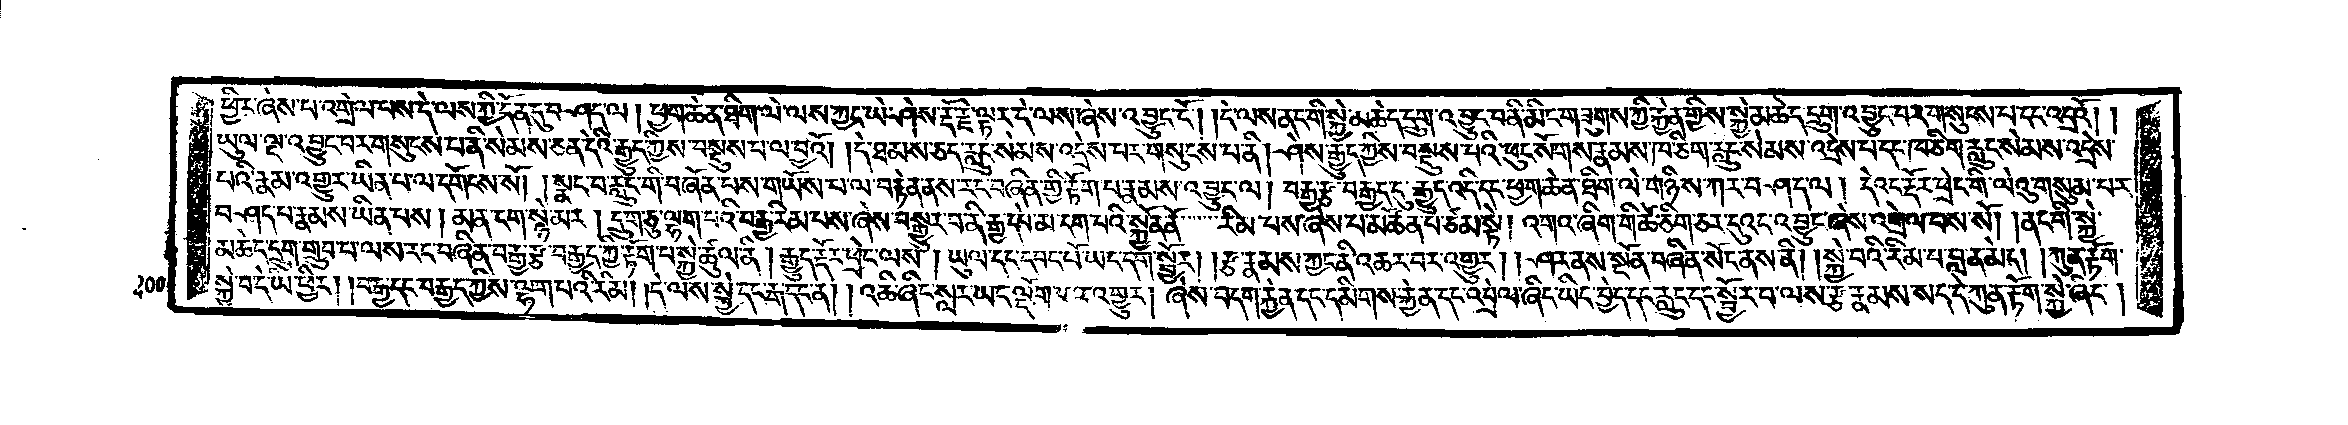ཕྱིར་ཞེས་པ་འགྲེལ་པས་དེ་ལས་ཀྱི་དོན་དུ་བཤད་ལ། ཕྱག་ཆེན་ཐིག་ལེ་ལས་ཀྱང་ཡེ་ཤེས་རྡོ་རྗེ་ལྟར་དེ་ལས་ཞེས་འབྱུང་ངོ། །དེ་ལས་ནང་གི་སྐྱེ་མཆེད་དྲུག་འབྱུང་བ་ནི་མིང་གཟུགས་ཀྱི་རྐྱེན་གྱིས་སྐྱེ་མཆེད་དྲུག་འབྱུང་བར་གསུངས་པ་དང་འདྲའོ། །
ཡུལ་ལྔ་འབྱུང་བར་གསུངས་པ་ནི་སེམས་ཅན་དེའི་རྒྱུད་ཀྱིས་བསྡུས་པ་ལ་བྱའོ། །དེ་ཐམས་ཅད་རླུང་སེམས་འདྲེས་པར་གསུངས་པ་ནི། ཤེས་རྒྱུད་ཀྱིས་བསྡུས་པའི་ཕུང་སོགས་རྣམས་ཁ་ཅིག་རླུང་སེམས་འདྲེས་པ་དང་ཁ་ཅིག་རླུང་སེམས་འདྲེས་
པའི་རྣམ་འགྱུར་ཡིན་པ་ལ་དགོངས་སོ། །སྣང་བ་རླུང་གི་བཞོན་པས་གཡོས་པ་ལ་བརྟེན་ནས་རང་བཞིན་གྱི་རྟོག་པ་རྣམས་འབྱུང་ལ། བརྒྱ་རྩ་བརྒྱད་དུ་རྒྱུད་འདི་དང་ཕྱག་ཆེན་ཐིག་ལེ་གཉིས་ཀར་བཤད་ལ། དེའང་རྡོར་ཕྲེང་གི་ལེའུ་གསུམ་པར་
བཤད་པ་རྣམས་ཡིན་པས། མན་ངག་སྙེ་མར། དྲུག་ཅུ་ལྷག་པའི་བརྒྱ་རིམ་པས་ཞེས་བསྒྱུར་བ་ནི་རྒྱ་དཔེ་མ་དག་པའི་སྐྱོན་ནོ་རིམ་པས་ཞེས་པ་མཚོན་པ་ཙམ་སྟེ། འགའ་ཞིག་གི་ཚེ་ཅིག་ཅར་དུའང་འབྱུང་ཞེས་འགྲེལ་བས་སོ། །ནང་གི་སྐྱེ་
མཆེད་དྲུག་གྲུབ་པ་ལས་རང་བཞིན་བརྒྱ་རྩ་བརྒྱད་ཀྱི་རྟོག་པ་སྐྱེ་ཚུལ་ནི། རྒྱུད་རྡོར་ཕྲེང་ལས། ཡུལ་དང་དབང་པོ་ཡང་དག་སྦྱོར། །རྩ་རྣམས་ཀྱང་ནི་འཆར་བར་འགྱུར། །ཤར་ནས་སྔོན་བཞིན་སོང་ནས་ནི། །སྐྱེ་བའི་རིམ་པ་བླ་ན་མེད། །ཀུན་རྟོག་
སྐྱེ་བ་དེ་ཡི་ཕྱིར། །བརྒྱ་དང་བརྒྱད་ཀྱིས་ལྷག་པའི་རིམ། །དེ་ལས་སྐྱེ་དང་རྒ་དང་ན། །འཆི་ཞིང་སླར་ཡང་ལྡོག་པར་འགྱུར། ཞེས་བདག་རྐྱེན་དང་དམིགས་རྐྱེན་དང་འབྲེལ་ཞིང་ཡིད་བྱེད་དང་རླུང་དང་སྦྱོར་བ་ལས་རྩ་རྣམས་སད་དེ་ཀུན་རྟོག་སྐྱེ་ཞིང་།